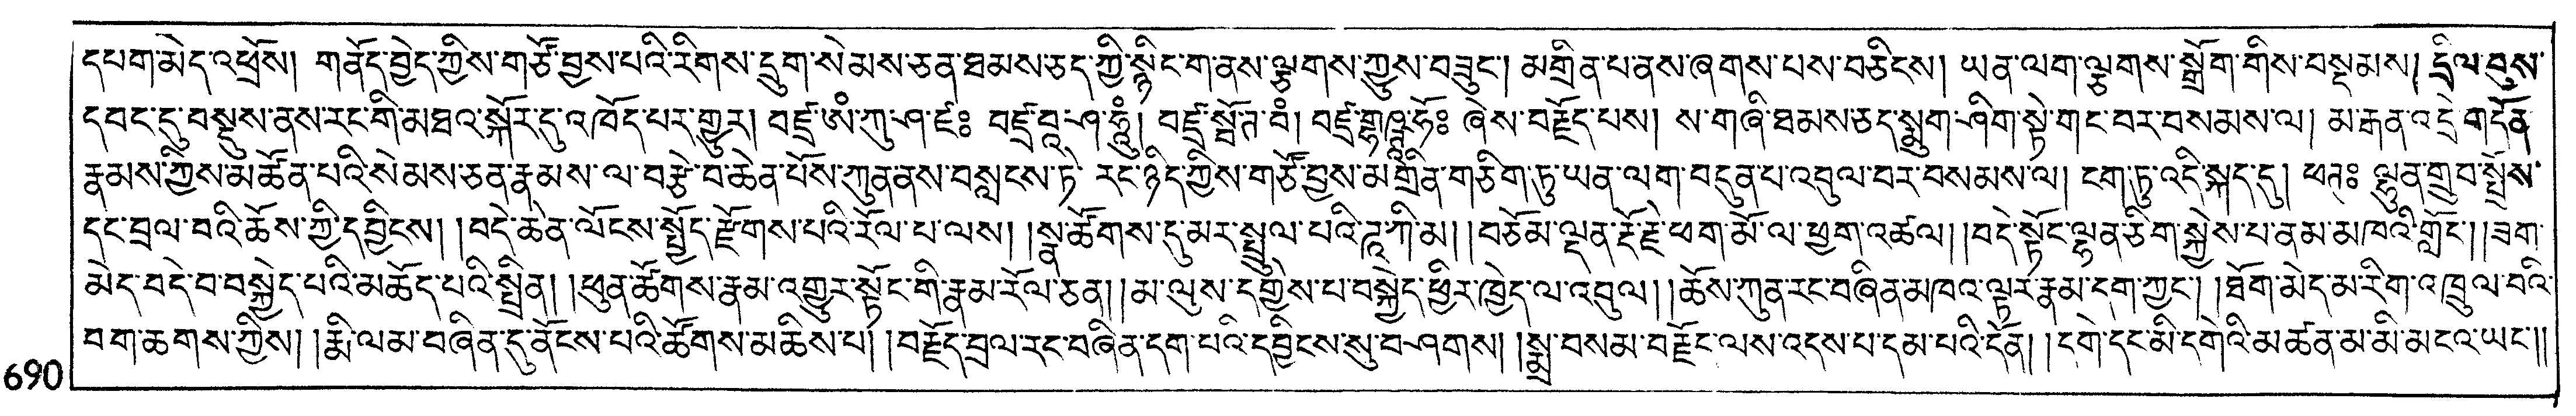དཔག་མེད་འཕྲོས། གནོད་བྱེད་ཀྱིས་གཙོ་བྱས་པའི་རིགས་དྲུག་སེམས་ཅན་ཐམས་ཅད་ཀྱི་སྙིང་ག་ནས་ལྕགས་ཀྱུས་བཟུང་། མགྲིན་པ་ནས་ཞགས་པས་བཅིངས། ཡན་ལག་ལྕགས་སྒྲོག་གིས་བསྡམས། དྲིལ་བུས་
དབང་དུ་བསྡུས་ནས་རང་གི་མཐའ་སྐོར་དུ་འཁོད་པར་གྱུར། བཛྲ་ཨཾ་ཀུ་ཤ་ཛཿ བཛྲ་བཱ་ཤ་ཧཱུཾ། བཛྲ་སྦོ་ཊ་བཾ། བཛྲ་གྷཥྚཱ་ཧོཿ ཞེས་བརྗོད་པས། ས་གཞི་ཐམས་ཅད་སྨུག་ཤིག་སྟེ་གང་བར་བསམས་ལ། མ་རྒན་འདྲེ་གདོན་
རྣམས་ཀྱིས་མཚོན་པའི་སེམས་ཅན་རྣམས་ལ་བརྩེ་བ་ཆེན་པོས་ཀུན་ནས་བསླངས་ཏེ་རང་ཉིད་ཀྱིས་གཙོ་བྱས་མགྲིན་གཅིག་ཏུ་ཡན་ལག་བདུན་པ་འབུལ་བར་བསམས་ལ། ངག་ཏུ་འདི་སྐད་དུ། ཕཊཿ ལྷུན་གྲུབ་སྤྲོས་
དང་བྲལ་བའི་ཆོས་ཀྱི་དབྱིངས། །བདེ་ཆེན་ལོངས་སྤྱོད་རྫོགས་པའི་རོལ་པ་ལས། །སྣ་ཚོགས་དུ་མར་སྤྲུལ་པའི་ཌཱ་ཀི་མ། །བཅོམ་ལྡན་རྡོ་རྗེ་ཕག་མོ་ལ་ཕྱག་འཚལ། །བདེ་སྟོང་ལྷན་ཅིག་སྐྱེས་པ་ནམ་མཁའི་གློང་། །ཟག་
མེད་བདེ་བ་བསྐྱེད་པའི་མཆོད་པའི་སྤྲིན། །ཕུན་ཚོགས་རྣམ་འགྱུར་སྟོང་གི་རྣམ་རོལ་ཅན། །མ་ལུས་དགྱེས་པ་བསྐྱེད་ཕྱིར་ཁྱེད་ལ་འབུལ། །ཆོས་ཀུན་རང་བཞིན་མཁའ་ལྟར་རྣམ་དག་ཀྱང་། །ཐོག་མེད་མ་རིག་འཁྲུལ་བའི་
བག་ཆགས་ཀྱིས། །རྨི་ལམ་བཞིན་དུ་ནོངས་པའི་ཚོགས་མཆིས་པ། །བརྗོད་བྲལ་རང་བཞིན་དག་པའི་དབྱིངས་སུ་བཤགས། །སྨྲ་བསམ་བརྗོད་ལས་འདས་པ་དམ་པའི་དོན། །དགེ་དང་མི་དགེའི་མཚན་མ་མི་མངའ་ཡང་། །